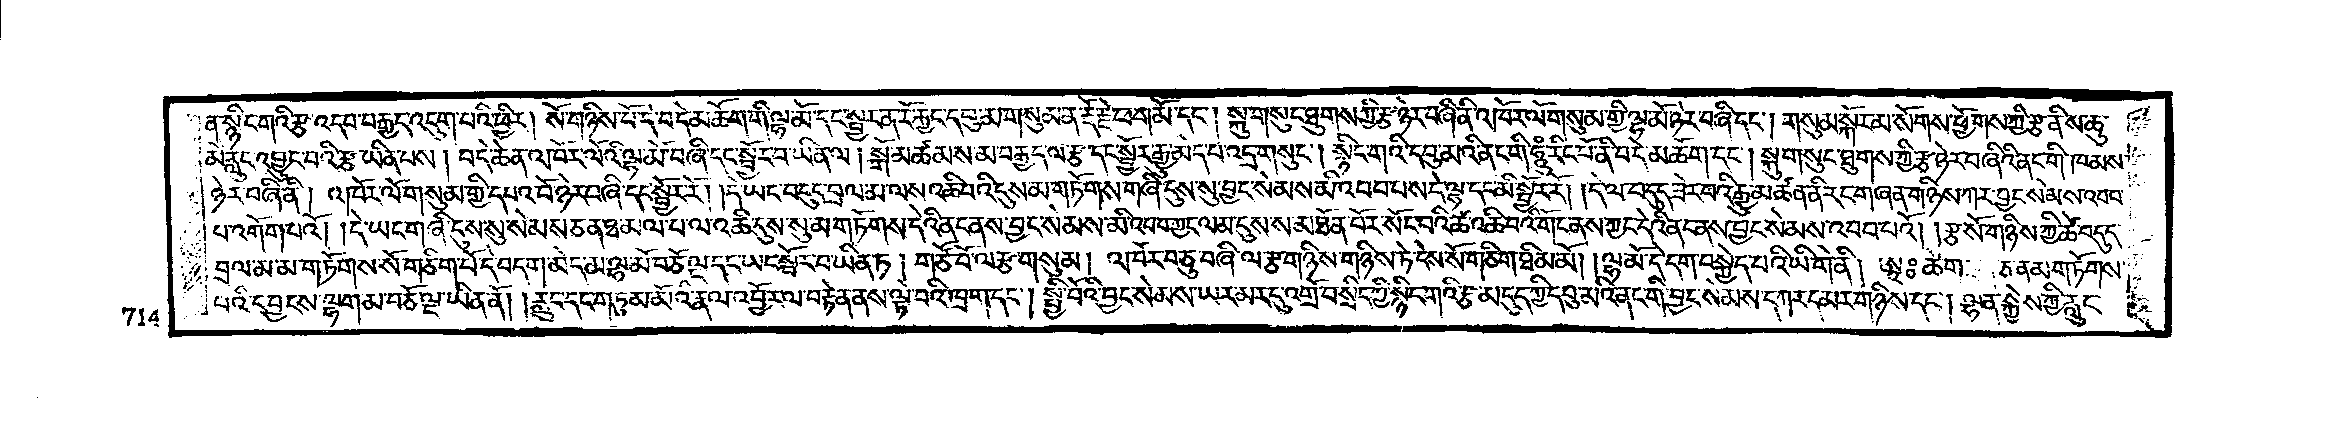ན་སྙིང་གའི་རྩ་འདབ་བརྒྱད་འདུག་པའི་ཕྱིར། སོ་གཉིས་པོ་དེ་བདེ་མཆོག་གི་ལྷ་མོ་དང་སྦྱར་ན་རོ་རྐྱང་དབུ་མ་གསུམ་ནི་རྡོ་རྗེ་ཕག་མོ་དང་། སྐུ་གསུང་ཐུགས་ཀྱི་རྩ་ཉེར་བཞི་ནི་འཁོར་ལོ་གསུམ་གྱི་ལྷ་མོ་ཉེར་བཞི་དང་། གསུམ་སྐོར་མ་སོགས་ཕྱོགས་ཀྱི་རྩ་ནི་ས་ཆུ་
མེ་རླུང་འབྱུང་བའི་རྩ་ཡིན་པས། བདེ་ཆེན་འཁོར་ལོའི་ལྷ་མོ་བཞི་དང་སྦྱོར་བ་ཡིན་ལ། སྒོ་མཚམས་མ་བརྒྱད་ལ་རྩ་དང་སྦྱོར་རྒྱུ་མེད་པ་འདྲ་གསུང་། སྙིང་གའི་དབུ་མའི་ནང་གི་ཧཱུཾ་རིང་པོ་ནི་བདེ་མཆོག་དང་། སྐུ་གསུང་ཐུགས་ཀྱི་རྩ་ཉེར་བཞིའི་ནང་གི་ཁམས་
ཉེར་བཞི་ནི། འཁོར་ལོ་གསུམ་གྱི་དཔའ་བོ་ཉེར་བཞི་དང་སྦྱོར་རོ། །དེ་ཡང་བདུད་བྲལ་མ་ལས་འཆི་བའི་དུས་མ་གཏོགས་གཞི་དུས་སུ་བྱང་སེམས་མི་འབབ་པས་དེ་ལྷ་དང་མི་སྦྱོར་རོ། །དེ་ལ་བདུད་ཟེར་བའི་རྒྱུ་མཚན་ནི་རང་གཞན་གཉིས་ཀར་བྱང་སེམས་འབབ་
པ་འགོག་པའོ། །དེ་ཡང་གཞི་དུས་སུ་སེམས་ཅན་ཐ་མལ་པ་ལ་འཆི་དུས་སུ་མ་གཏོགས་དེའི་ནང་ནས་བྱང་སེམས་མི་འབབ་ཀྱང་ལམ་དུས་ས་མཐོན་པོར་སོང་བའི་ཚེ་འཆི་བའི་གོང་ནས་ཀྱང་དེའི་ནང་ནས་བྱང་སེམས་འབབ་པའོ། །རྩ་སོ་གཉིས་ཀྱི་ཚེ་བདུད་
བྲལ་མ་མ་གཏོགས་སོ་གཅིག་པོ་དེ་བདག་མེད་མ་ལྷ་མོ་བཅོ་ལྔ་དང་ཡང་སྦྱོར་བ་ཡིན་ཏེ། གཙོ་བོ་ལ་རྩ་གསུམ། འཁོར་བཅུ་བཞི་ལ་རྩ་གཉིས་གཉིས་ཏེ་ངེས་སོ་གཅིག་ཐིམ་མོ། །ལྷ་མོ་དེ་དག་བསྐྱེད་པའི་ཡི་གེ་ནི། ཨཱཿ ཚེག་དྲག་ཅན་མ་གཏོགས་
པའི་དབྱངས་ལྷག་མ་བཅོ་ལྔ་ཡིན་ནོ། །རླུང་དང་གཏུམ་མོའི་རྣལ་འབྱོར་ལ་བརྟེན་ནས་ལྟེ་བའི་ཁྲག་དང་། སྤྱི་བོའི་བྱང་སེམས་ཡར་མར་དུ་འགྲོ་བ་སྲིད་ཀྱི་སྙིང་གའི་རྩ་མདུད་ཀྱི་དབུ་མའི་ནང་གི་བྱང་སེམས་དཀར་དམར་གཉིས་དང་། ལྷན་སྐྱེས་ཀྱི་རླུང་